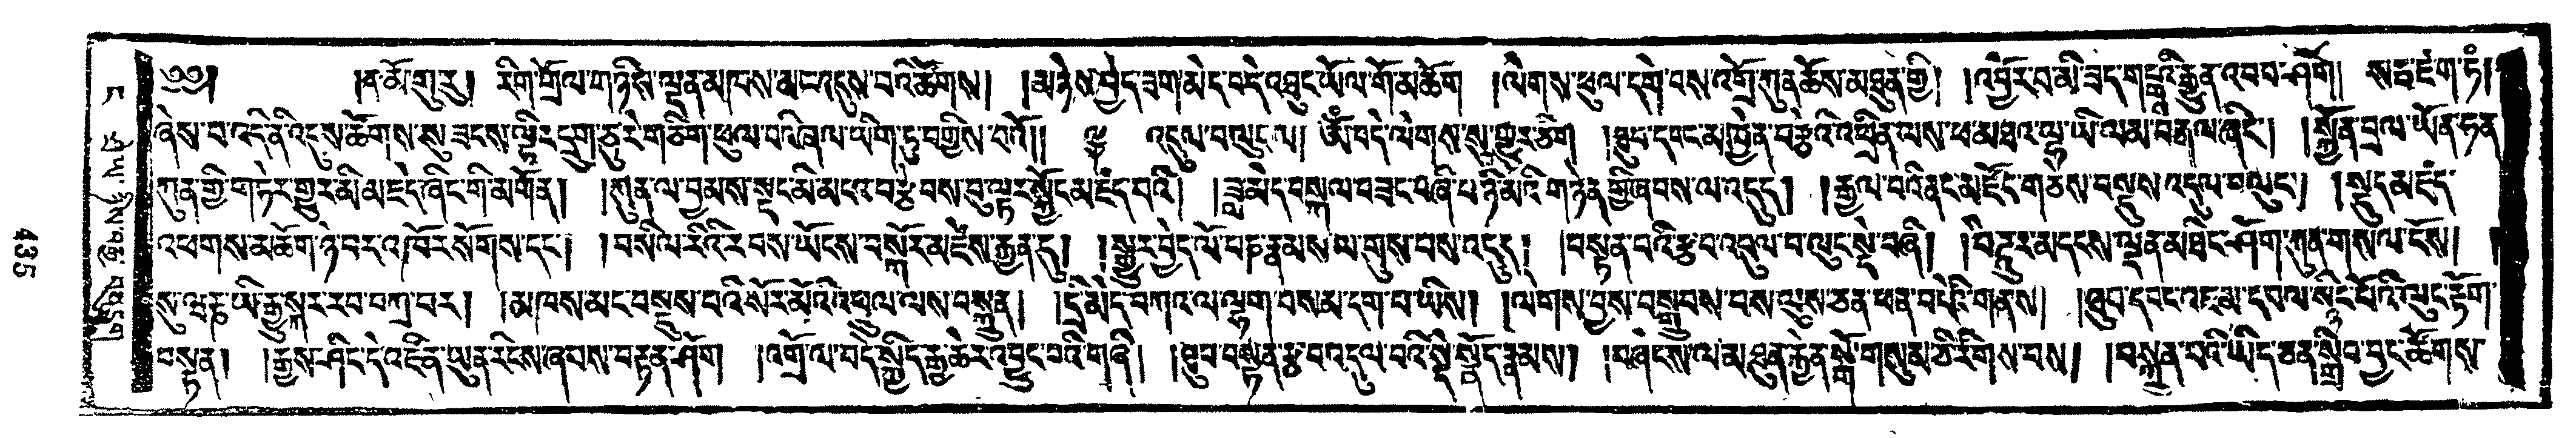༄༅། །ན་མོ་གུ་རུ། རིག་གྲོལ་གཉིས་ལྡན་མཁས་མང་འདུས་བའི་ཚོགས། །མཉེས་བྱེད་ཟག་མེད་བདེ་འཐུང་ཡོལ་གོ་མཆོག །ལེགས་ཕུལ་དགེ་བས་འགྲོ་ཀུན་ཆོས་མཐུན་གྱི། །འབྱོར་བ་མི་ཟད་གངྒའི་རྒྱུན་འབབ་ཤོག། སརྦ་ཛ་ག་ཏཾ།
ཞེས་བ་འདི་ནི་འདུས་ཚོགས་སུ་ཟངས་ལྟིར་དྲུག་ཅུ་རེ་གཅིག་ཕུལ་བའི་ཞལ་ཡིག་ཏུ་བགྱིས་བའོ།། ༈ འདུལ་བ་ལུང་ལ། ཨོཾ་བདེ་ལེགས་སུ་གྱུར་ཅིག །ཐུབ་དབང་མཁྱེན་བརྩེའི་འཕྲིན་ལས་ཕ་མཐའ་ལྷ་ཡི་ལམ་བརྒལ་ཞིང་། །སྐྱོན་བྲལ་ཡོན་ཏན་
ཀུན་གྱི་གཏེར་གྱུར་མི་མཇེད་ཞིང་གི་མགོན། །ཀུན་ལ་བྱམས་སྡང་མི་མངའ་བརྩེ་བས་བུ་ལྟར་སྐྱོང་མཛད་བའི། །ཟླ་མེད་བསྐལ་བཟང་བཞི་པ་ཉི་མའི་གཉེན་གྱི་ཞབས་ལ་འདུད། །རྒྱལ་བའི་ནང་མཛོད་གཅེས་བསྡུས་འདུལ་བ་ལུང་། །སྡུད་མཛད་
འཕགས་མཆོག་ཉེ་བར་འཁོར་སོགས་དང་། །བསིལ་རིའི་ར་བས་ཡོངས་བསྐོར་མཛེས་རྒྱན་དུ། །སྒྱུར་བྱེད་ལོ་པཎ་རྣམས་ལ་གུས་བས་འདུད། །བསྟན་བའི་རྩ་བ་འབུལ་བ་ལུང་སྡེ་བཞི། །བཻཌཱུར་མདངས་ལྡན་མཐིང་ཤོག་ཀུན་གསལ་ངོས། །
སུ་ཝརྞ་ཡི་རྒྱུ་སྐར་རབ་བཀྲ་བར། །མཁས་མང་བསྡུས་བའི་སོར་མོའི་འཕྲུལ་ལས་བསྐྲུན། །དྲི་མེད་བཀའ་ལ་ལྷག་བསམ་དག་པ་ཡིས། །ལེགས་བྱས་བསྒྲུབས་བས་ལུས་ཅན་ཕན་བདེའི་གནས། །ཐུབ་དབང་འཇམ་དཔལ་སྙིང་པོའི་ལུང་རྟོག་
བསྟན། །རྒྱས་ཤིང་དེ་འཛིན་ཡུན་རིངས་ཞབས་བརྟན་ཤོག །འགྲོ་ལ་བདེ་སྐྱིད་རྒྱ་ཆེར་འབྱུང་བའི་གཞི། །ཐུབ་བསྟན་རྩ་བ་འདུལ་བའི་སྡེ་སྣོད་རྣམས། །བཞེངས་ལ་མཐུན་རྐྱེན་སྒོ་གསུམ་ཅི་རིགས་བས། །བསྐྲུན་བའི་ཡིད་ཅན་སྒྲིབ་བྱང་ཚོགས་